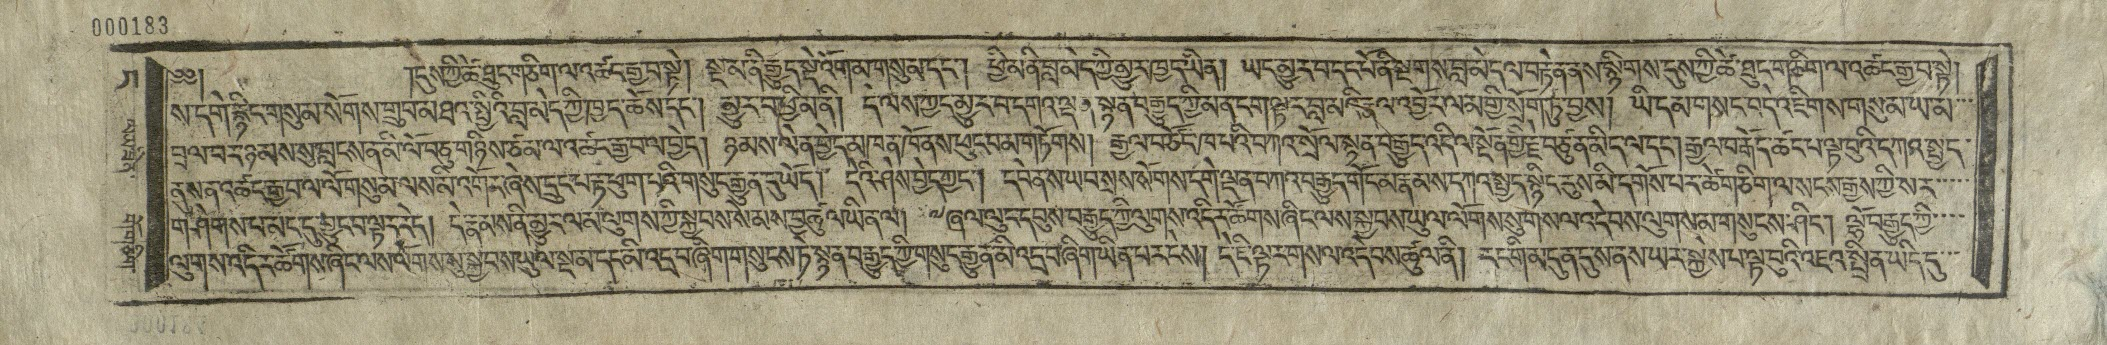༄༅། །དུས་ཀྱི་ཚེ་ཐུང་གཅིག་ལ་འཚང་རྒྱ་བ་སྟེ། སྔ་མ་ནི་རྒྱུད་སྡེ་འོག་མ་གསུམ་དང་། ཕྱི་མ་ནི་བླ་མེད་ཀྱི་མྱུར་ཁྱད་ཡིན། ཡང་མྱུར་བ་དང་པོ་ནི་སྔགས་བླ་མེད་ལ་བརྟེན་ནས་སྙིགས་དུས་ཀྱི་ཚེ་ཐུང་གཅིག་ལ་འཚང་རྒྱ་བ་སྟེ།
ས་དགེ་རྙིང་གསུམ་སོགས་གྲུབ་མཐའ་སྤྱིའི་བླ་མེད་ཀྱི་ཁྱད་ཆོས་དང་། མྱུར་བ་ཕྱི་མ་ནི། དེ་ལས་ཀྱང་མྱུར་བ་དགའ་ལྡན་སྙན་བརྒྱུད་ཀྱི་མན་ངག་ལྟར་བླ་མའི་རྣལ་འབྱོར་ལམ་གྱི་སྲོག་ཏུ་བྱས། ཡི་དམ་གསང་བདེ་འཇིགས་གསུམ་ཡ་མ་
བྲལ་བར་ཉམས་སུ་བླངས་ན་མི་ལོ་བཅུ་གཉིས་ཙམ་ལ་འཚང་རྒྱ་བ་ལ་བྱེད། ཉམས་ལེན་བྱེད་མཁན་ཁོ་ནས་ཕུང་བ་མ་གཏོགས། རྒྱལ་བ་ཙོང་ཁ་པའི་བཀའ་སྲོལ་སྙན་བརྒྱུད་འདི་ལ་སྔོན་གྱི་རྗེ་བཙུན་མིད་ལ་དང་། རྒྱལ་བ་རྒོད་ཚང་པ་ལྟ་བུའི་དཀའ་སྤྱད་
ནུས་ན་འཚང་རྒྱ་བ་ལ་ལོ་གསུམ་ལས་མི་འགོར་ཞེས་དྲུང་པ་རྟ་ཕུག་པའི་གསུང་རྒྱུན་དུ་ཡོད། དེའི་ཤེས་བྱེད་ཀྱང་། དབེན་ས་ཡབ་སྲས་སོགས་དགེ་ལྡན་བཀའ་བརྒྱུད་གོང་མ་རྣམས་དཀའ་སྤྱད་སྙིང་རུས་མི་དགོས་པར་ཚེ་གཅིག་ལ་སངས་རྒྱས་ཀྱི་སར་
གཤེགས་པ་མང་དུ་བྱུང་བ་ལྟར་རེད། དེ་རྣམས་ནི་མྱུར་ལམ་ལུགས་ཀྱི་སྐྱབས་སེམས་བྱ་ཚུལ་ཡིན་ལ། ༧ཞལ་ལུང་དབུས་བརྒྱུད་ཀྱི་ལུགས་འདིར་ཚོགས་ཞིང་ལས་སྐྱབས་ཡུལ་ལོགས་སུ་གསལ་འདེབས་ལུགས་མ་གསུངས་ཤིང་། ལྷོ་བརྒྱུད་ཀྱི་
ལུགས་འདིར་ཚོགས་ཞིང་ལས་ལོགས་སུ་སྐྱབས་ཡུལ་སྔ་མ་དང་མི་འདྲ་བ་ཞིག་གསུངས་ཏེ་སྙན་བརྒྱུད་ཀྱི་གསུང་རྒྱུན་མི་འདྲ་བ་ཞིག་ཡིན་པར་ངེས། དེ་ཇི་ལྟར་གསལ་འདེབས་ཚུལ་ནི། རང་གི་མདུན་དུ་ས་ནས་ཡར་སྐྱེས་པ་ལྟ་བུའི་འཇའ་སྤྲིན་ཡིད་དུ་